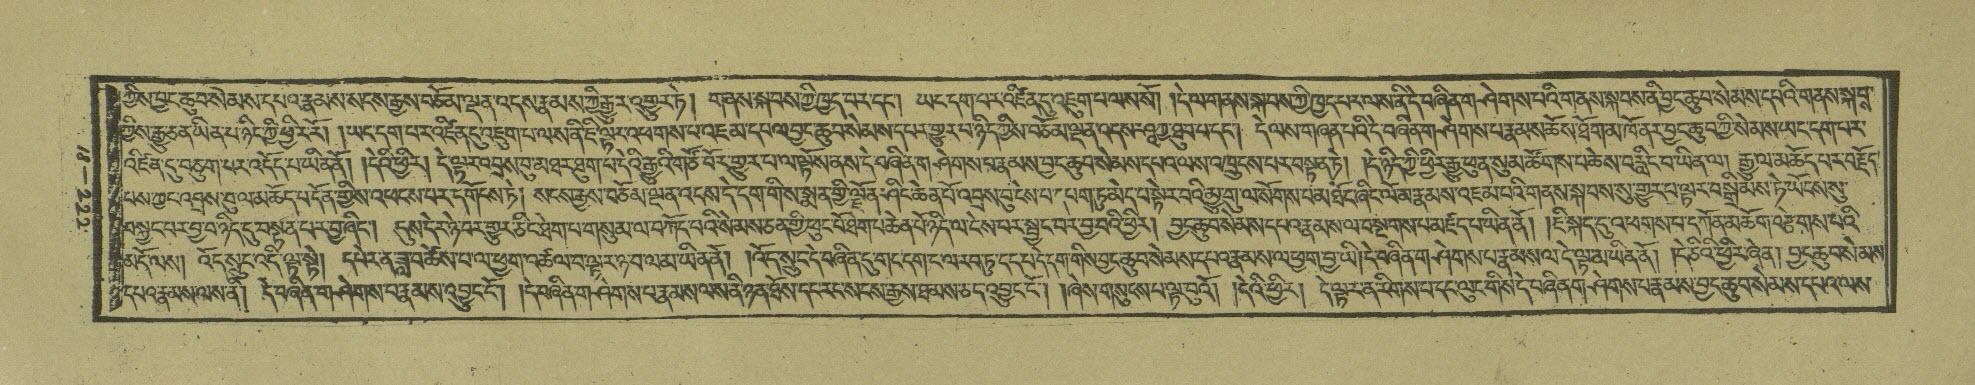ཀྱིས་བྱང་ཆུབ་སེམས་དཔའ་རྣམས་སངས་རྒྱས་བཅོམ་ལྡན་འདས་རྣམས་ཀྱ་རྒྱུར་འགྱུར་ཏེ། གནས་སྐབས་ཀྱི་ཁྱད་པར་དང་། ཡང་དག་པར་འཛིན་དུ་འཇུག་པ་ལས་སོ། །དེ་ལ་གནས་སྐབས་ཀྱི་ཁྱད་པར་ལས་ནི་དེ་བཞིན་གཤེགས་པའི་གནས་སྐབས་ནི་བྱང་ཆུབ་སེམས་དཔའི་གནས་སྐབས་
ཀྱིས་རྒྱུ་ཅན་ཡིན་པ་ཉིད་ཀྱི་ཕྱིར་རོ། །ཡང་དག་པར་འཛིན་དུ་འཇུག་པ་ལས་ནི་ཇི་ལྟར་འཕགས་པ་འཇམ་དཔལ་བྱང་ཆུབ་སེམས་དཔར་གྱུར་པ་ཉིད་ཀྱིས་བཅོམ་ལྡན་འདས་ཤཱཀྱ་ཐུབ་པ་དང་། དེ་ལས་གཞན་པའི་དེ་བཞིན་གཤེགས་པ་རྣམས་ཆོས་ཐོག་མ་ཁོ་ནར་བྱང་ཆུབ་ཀྱི་སེམས་ཡང་དག་པར་
འཛིན་དུ་བཅུག་པར་འདོད་པ་ཡིན་ནོ། །དེའི་ཕྱིར། དེ་ལྟར་འབྲས་བུ་མཐར་ཐུག་པ་དེའི་རྒྱུའི་གཙོ་བོར་གྱུར་པ་ལ་ལྟོས་ནས་དེ་བཞིན་གཤེགས་པ་རྣམས་བྱང་ཆུབ་སེམས་དཔའ་ལས་འཁྲུངས་པར་བསྟན་ཏེ། །དེ་ཉིད་ཀྱི་ཕྱིར་རྒྱུ་ཕུན་སུམ་ཚོགས་པ་ཆེས་བརླིང་བ་ཡིན་ལ། རྒྱུ་ལ་མཆོད་པར་བརྗོད་ཨིས་པ་ནི་བདེན་མོ་
ལ་མཆོད་པ་དོན་གྱིས་འཕགས་པར་དགོངས་ཏེ། སངས་རྒྱས་བཅོམ་ལྡན་འདས་དེ་དག་གིས་སྨན་གྱི་ལྗོན་ཤིང་ཆེན་པོ་འབྲས་བུ་ངེས་པ་དཔག་ཏུ་མེད་པ་སྟེར་བའི་མྱུ་གུ་ལ་སོགས་པ་མཐོང་ཞིང་ལོ་མ་རྣམས་འཇམ་པའི་གནས་སྐབས་སུ་གྱུར་བ་ལྟར་བསྒྲིམས་ཏེ་ཡོངས་སུ་
བསྐྱང་བར་བྱ་བ་ཉིད་དུ་བསྟན་པར་བྱ་ཞིང་། དུས་དེར་ཉེ་བར་གྱུར་ཅིང་ཐེག་པ་གསུམ་ལ་བཀོད་པའི་སེམས་ཅན་གྱི་ཕུང་པོ་ཐེག་པ་ཆེན་པོ་ཉིད་ལ་ངེས་པར་སྦྱང་བར་བྱ་བའི་ཕྱིར། བྱང་ཆུབ་སེམས་དཔའ་རྣམས་ཡ་བསྔགས་པ་མཛད་པ་ཡིན་ནོ། །ཇི་སྐད་དུ་འཕགས་པ་དཀོན་མཆོག་བརྩེགས་པའི་
མདོ་ལས། འོད་སྲུང་འདི་ལྟ་སྟེ། དཔེར་ན་ཟླ་བ་ཚེས་པ་ལ་ཕྱག་འཚལ་པ་ལྟར་ཉ་བ་ལམ་ཡིན་ནོ། །འོད་སྲུང་དེ་བཞིན་དུ་གང་དག་ང་ལ་རབ་ཏུ་དད་པ་དེ་དག་གིས་བྱང་ཆུབ་སེམས་དཔའ་རྣམས་ལ་ཕྱག་བྱ་ཡི། དེ་བཞིན་གཤེགས་པ་རྣམས་ལ་དེ་ལྟ་མ་ཡིན་ནོ། །དེ་ཅིའི་ཕྱིར་ཞེ་ན། བྱང་ཆུབ་སེམས་
དཔའ་རྣམས་ལས་ནི། དེ་བཞིན་གཤེགས་པ་རྣམས་བྱུང་ངོ། །དེ་བཞིན་གཤེགས་པ་རྣམས་ལས་ནི། ཉན་ཐོས་དང་རང་སངས་རྒྱས་ཐམས་ཅད་འབྱུང་ངོ། །ཞེས་གསུངས་པ་ལྟ་བུའོ། །དེའི་ཕྱིར། དེ་ལྟར་ན་རིགས་པ་དང་ལུང་གིས་དེ་བཞིན་གཤེགས་པ་རྣམས་བྱང་ཆུབ་སེམས་དཔའ་ལས་